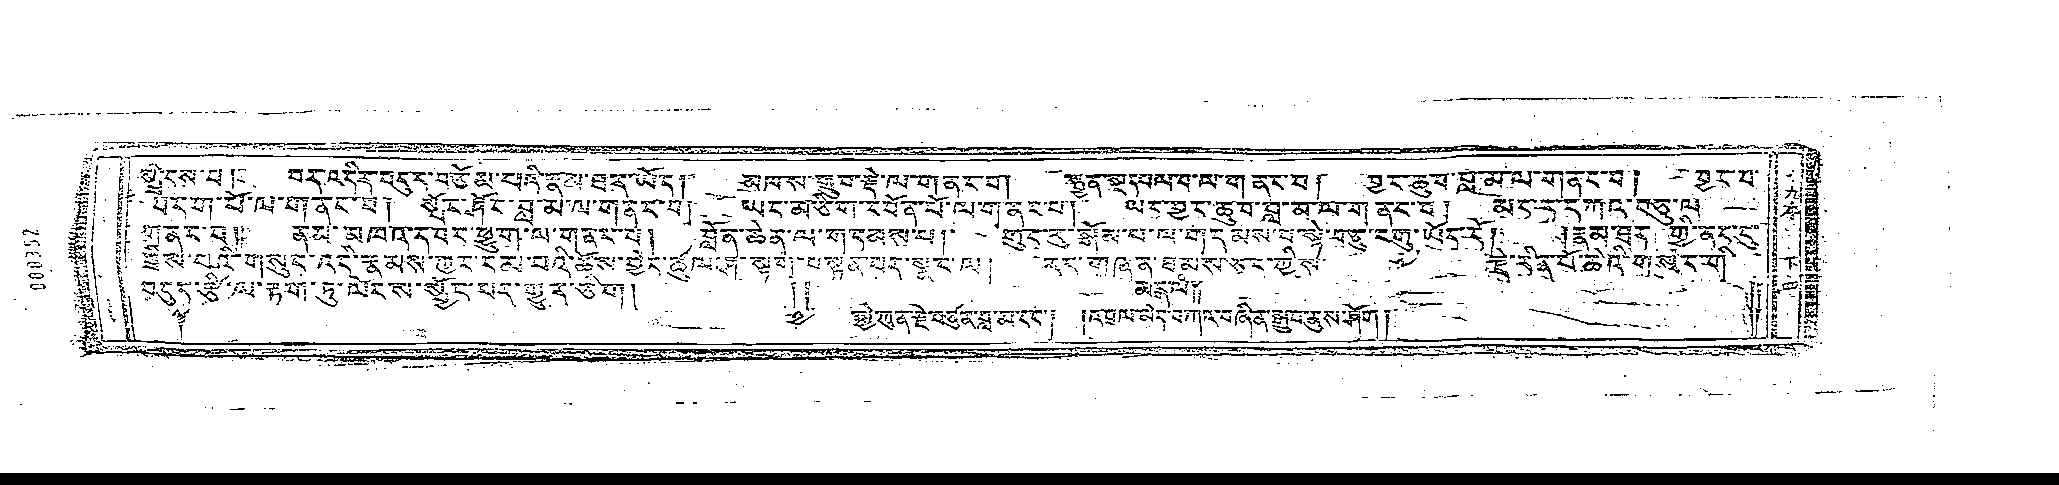སྤྲིངས་པ། བར་འདིར་བདུད་བཅོམ་པའི་རྣམ་ཐར་ཡོད། མཁས་གྲུབ་རྗེ་ལ་གནང་བ། སྤྱན་སྔ་དཔལ་བ་ལ་གནང་བ། བྱང་ཆུབ་བླ་མ་ལ་གནང་བ། བྱང་པ་
བདག་པོ་ལ་གནང་བ། སྤོང་ཤོང་བླ་མ་ལ་གནང་བ། ཡང་མ་ཅིག་དཔོན་པོ་ལ་གནང་པ། ཡང་བྱང་ཆུབ་བླ་མ་ལ་གནང་བ། མང་ར་དཀའ་བཅུ་ལ་
གནང་བ། ནམ་མཁའ་དབང་ཕྱུག་ལ་གནང་པ། བློན་ཆེན་ལ་གདམས་པ། གུང་རུ་སྒོམ་པ་ལ་གདམས་པ་སྟེ་བཅུ་དགུ་ཡོད་དོ། །རྣམ་ཐར་གྱི་ནང་དུ་
བྲིས་པའི་གསུང་འདི་རྣམས་ཀྱང་དམ་པའི་ཆོས་བྱེད་ཚུལ་ཤ་སྟག་བསྟན་པར་སྣང་ལ། རང་གཞན་ཐམས་ཅད་ཀྱིས་༧་རྗེ་རིན་པོ་ཆེའི་གསུང་གི་
བདུད་རྩི་ལ་རྟག་ཏུ་ལོངས་སྤྱོད་པར་གྱུར་ཅིག། །། མངྒ་ལཾ།།
༈ ༧་སྐྱེ་ཀུན་རྗེ་བཙུན་བླ་མ་དང་། །འབྲལ་མེད་བཀའ་བཞིན་སྒྲུབ་ནུས་ཤོག།